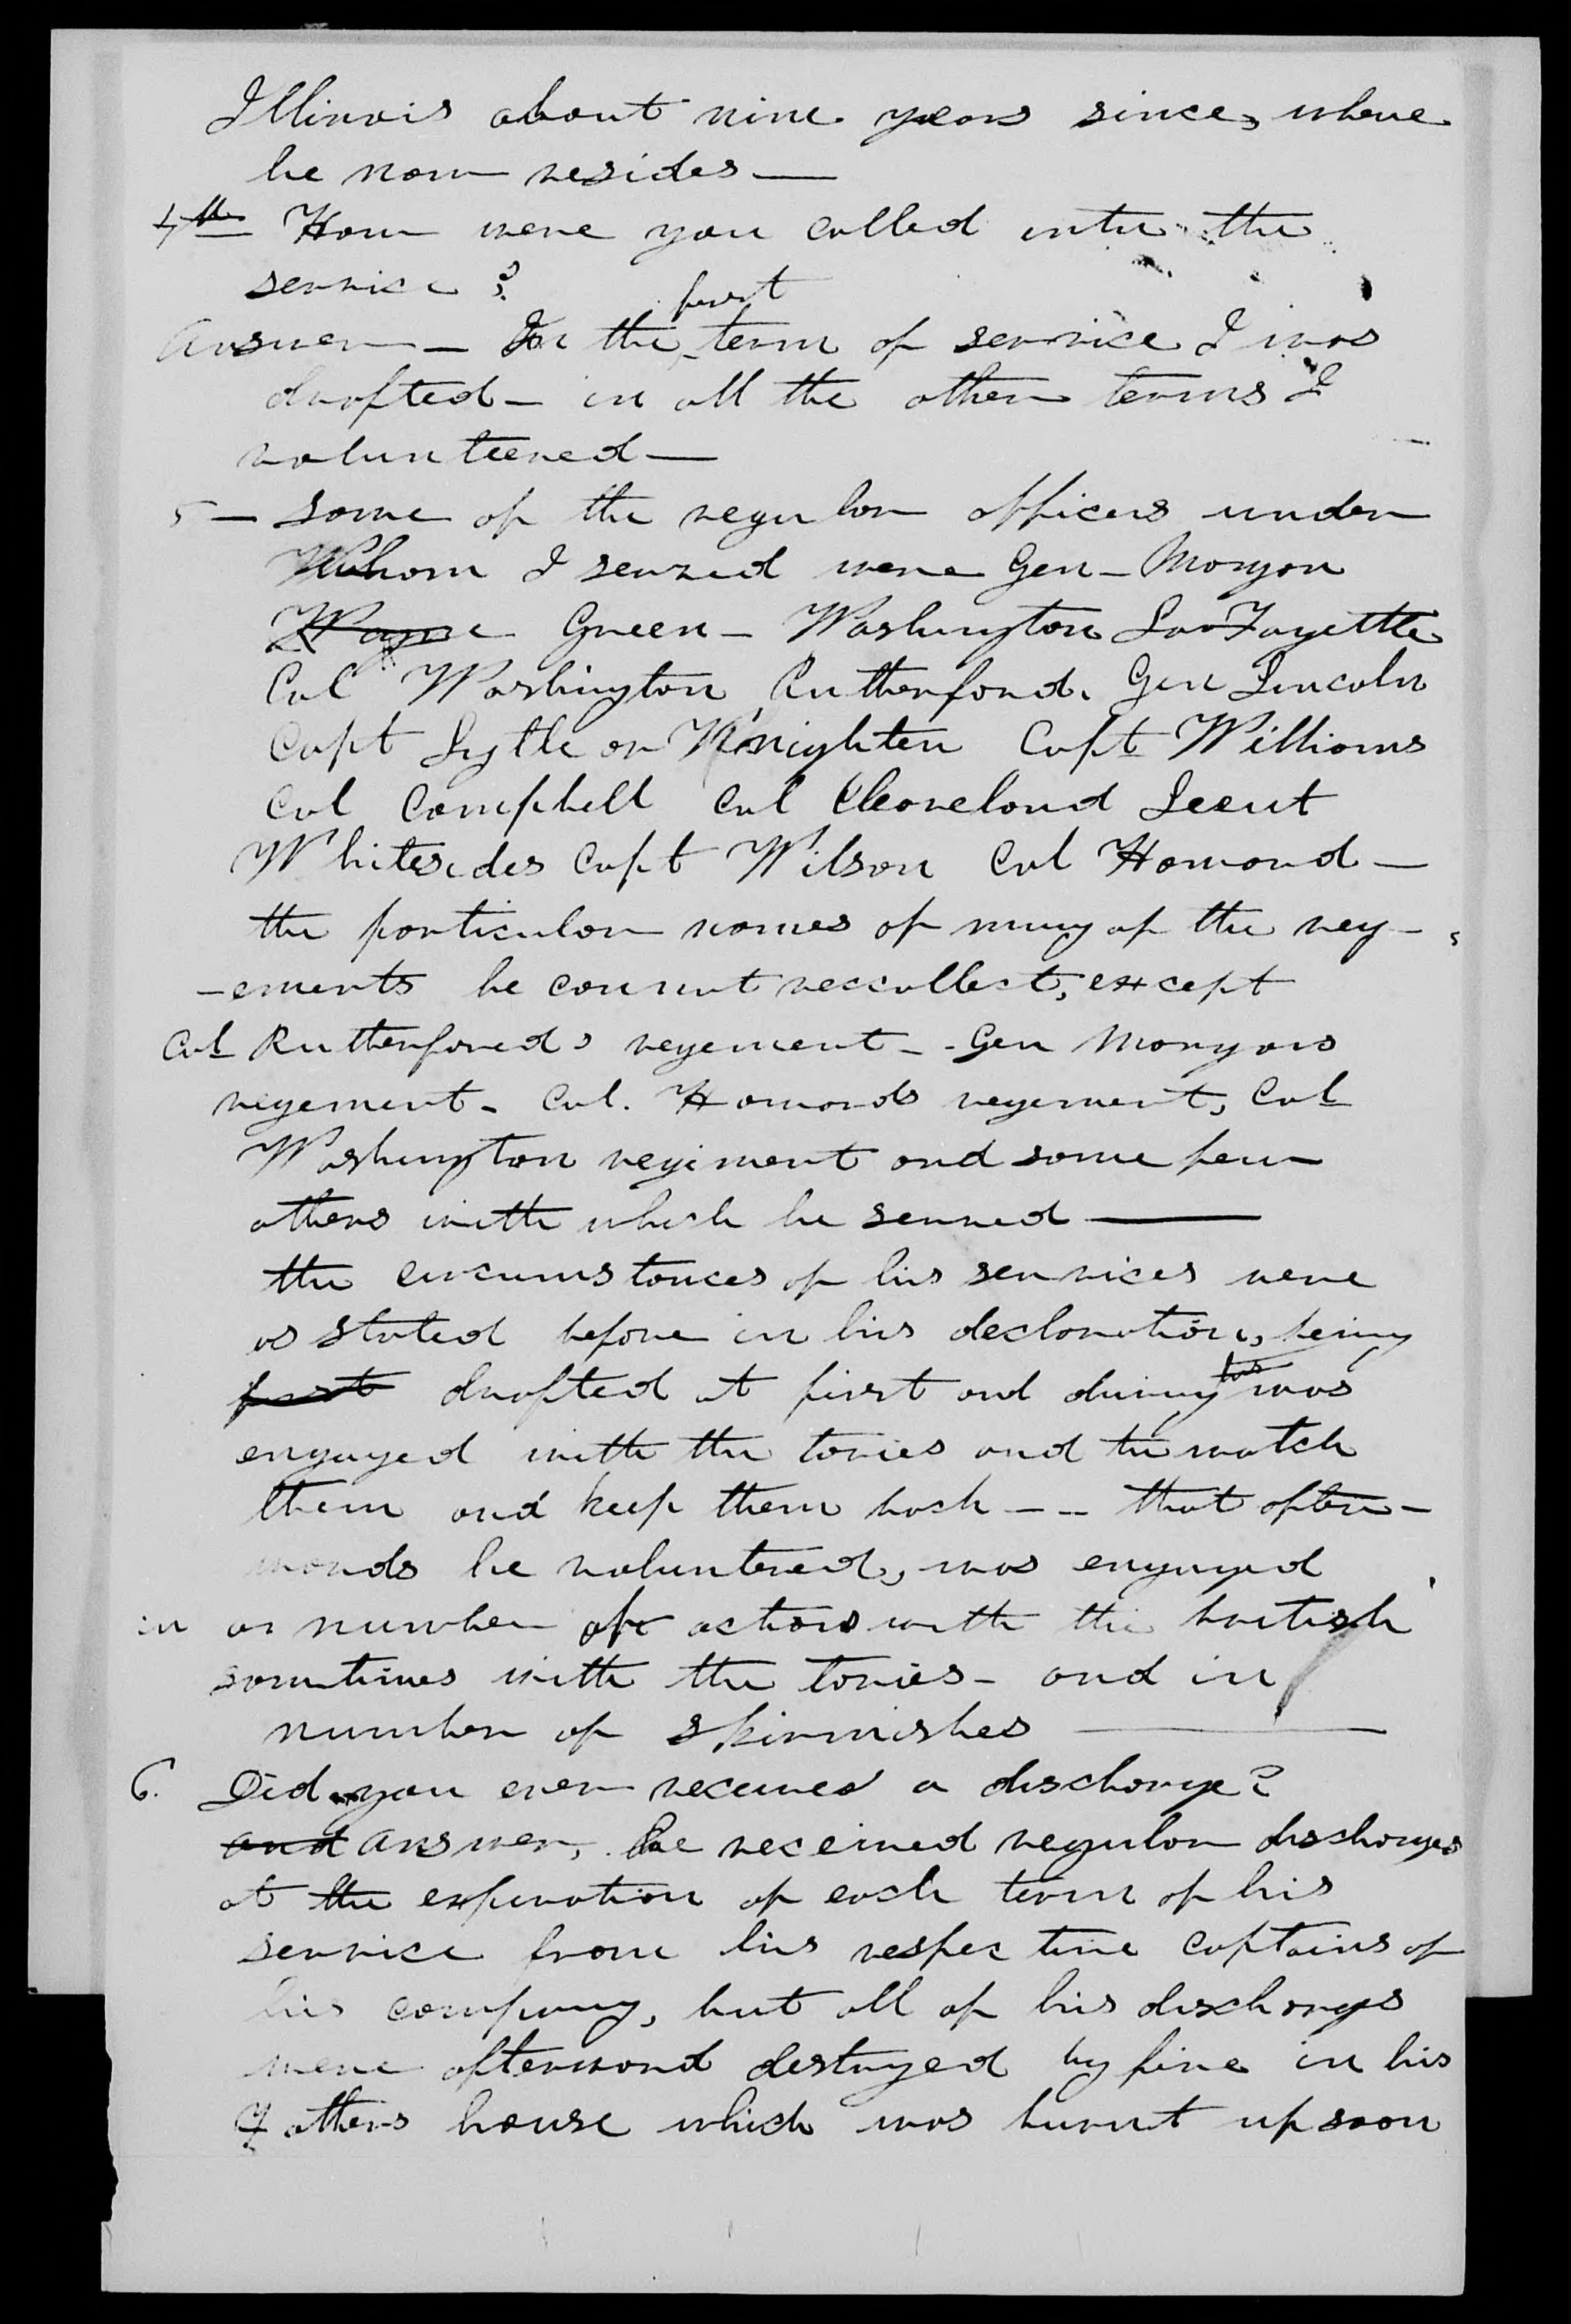Illinois about nine years since, where he now resides- 4th How were you called into the Service?
Answer - . In the first term of service I was drafted. in all the other terms I volunteered- 
5- Some of the regular officers under whom I served were Gen. Morgan [illegible Wayne] Green. Washington La Fayette Col Washington Autherford, Gen Lincoln Capt Lytle or Knighten Capt Williams Col Campbell Col Cleveland [illegible Leaut] Whitesides Capt Wilson Col Hamond - the particular names of many of the [illegible reyements] he cannot recollect, except Col Rutherfords regement-- Gen Morgans regiment. Col. Howards regiment, Col Washington regiment and some few others with which he served --- the circumstances of his services were as stated before in his declaration, being drafted at first and during was engaged with the tories and to watch them and keep them back-- that afterwards he volunteered, was engaged in a number of [illegible astords] with the British sometimes with the tories, and in number of skirmishes ---
6. Did you ever received a discharge? and answer, he received regular discharges at the expiration of each term of his service from his respective captains of his company, but all of his discharges were afterward destroyed by fire in his Fathers house which was burnt up soon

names: [BLANK] Wilson; [BLANK] Rutherford; [BLANK] Howard; [BLANK] Lytle; [BLANK] Lincoln; [BLANK] La Fayettle; [BLANK] Campbell; [BLANK] Whitesides; [BLANK] Washington; [BLANK] Morgan; [BLANK] Knighten; [BLANK] Cleaveland; [BLANK] Green; [BLANK] Williams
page: 14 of 69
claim: widow's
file: W. 10861, for James Patterson, North Carolina